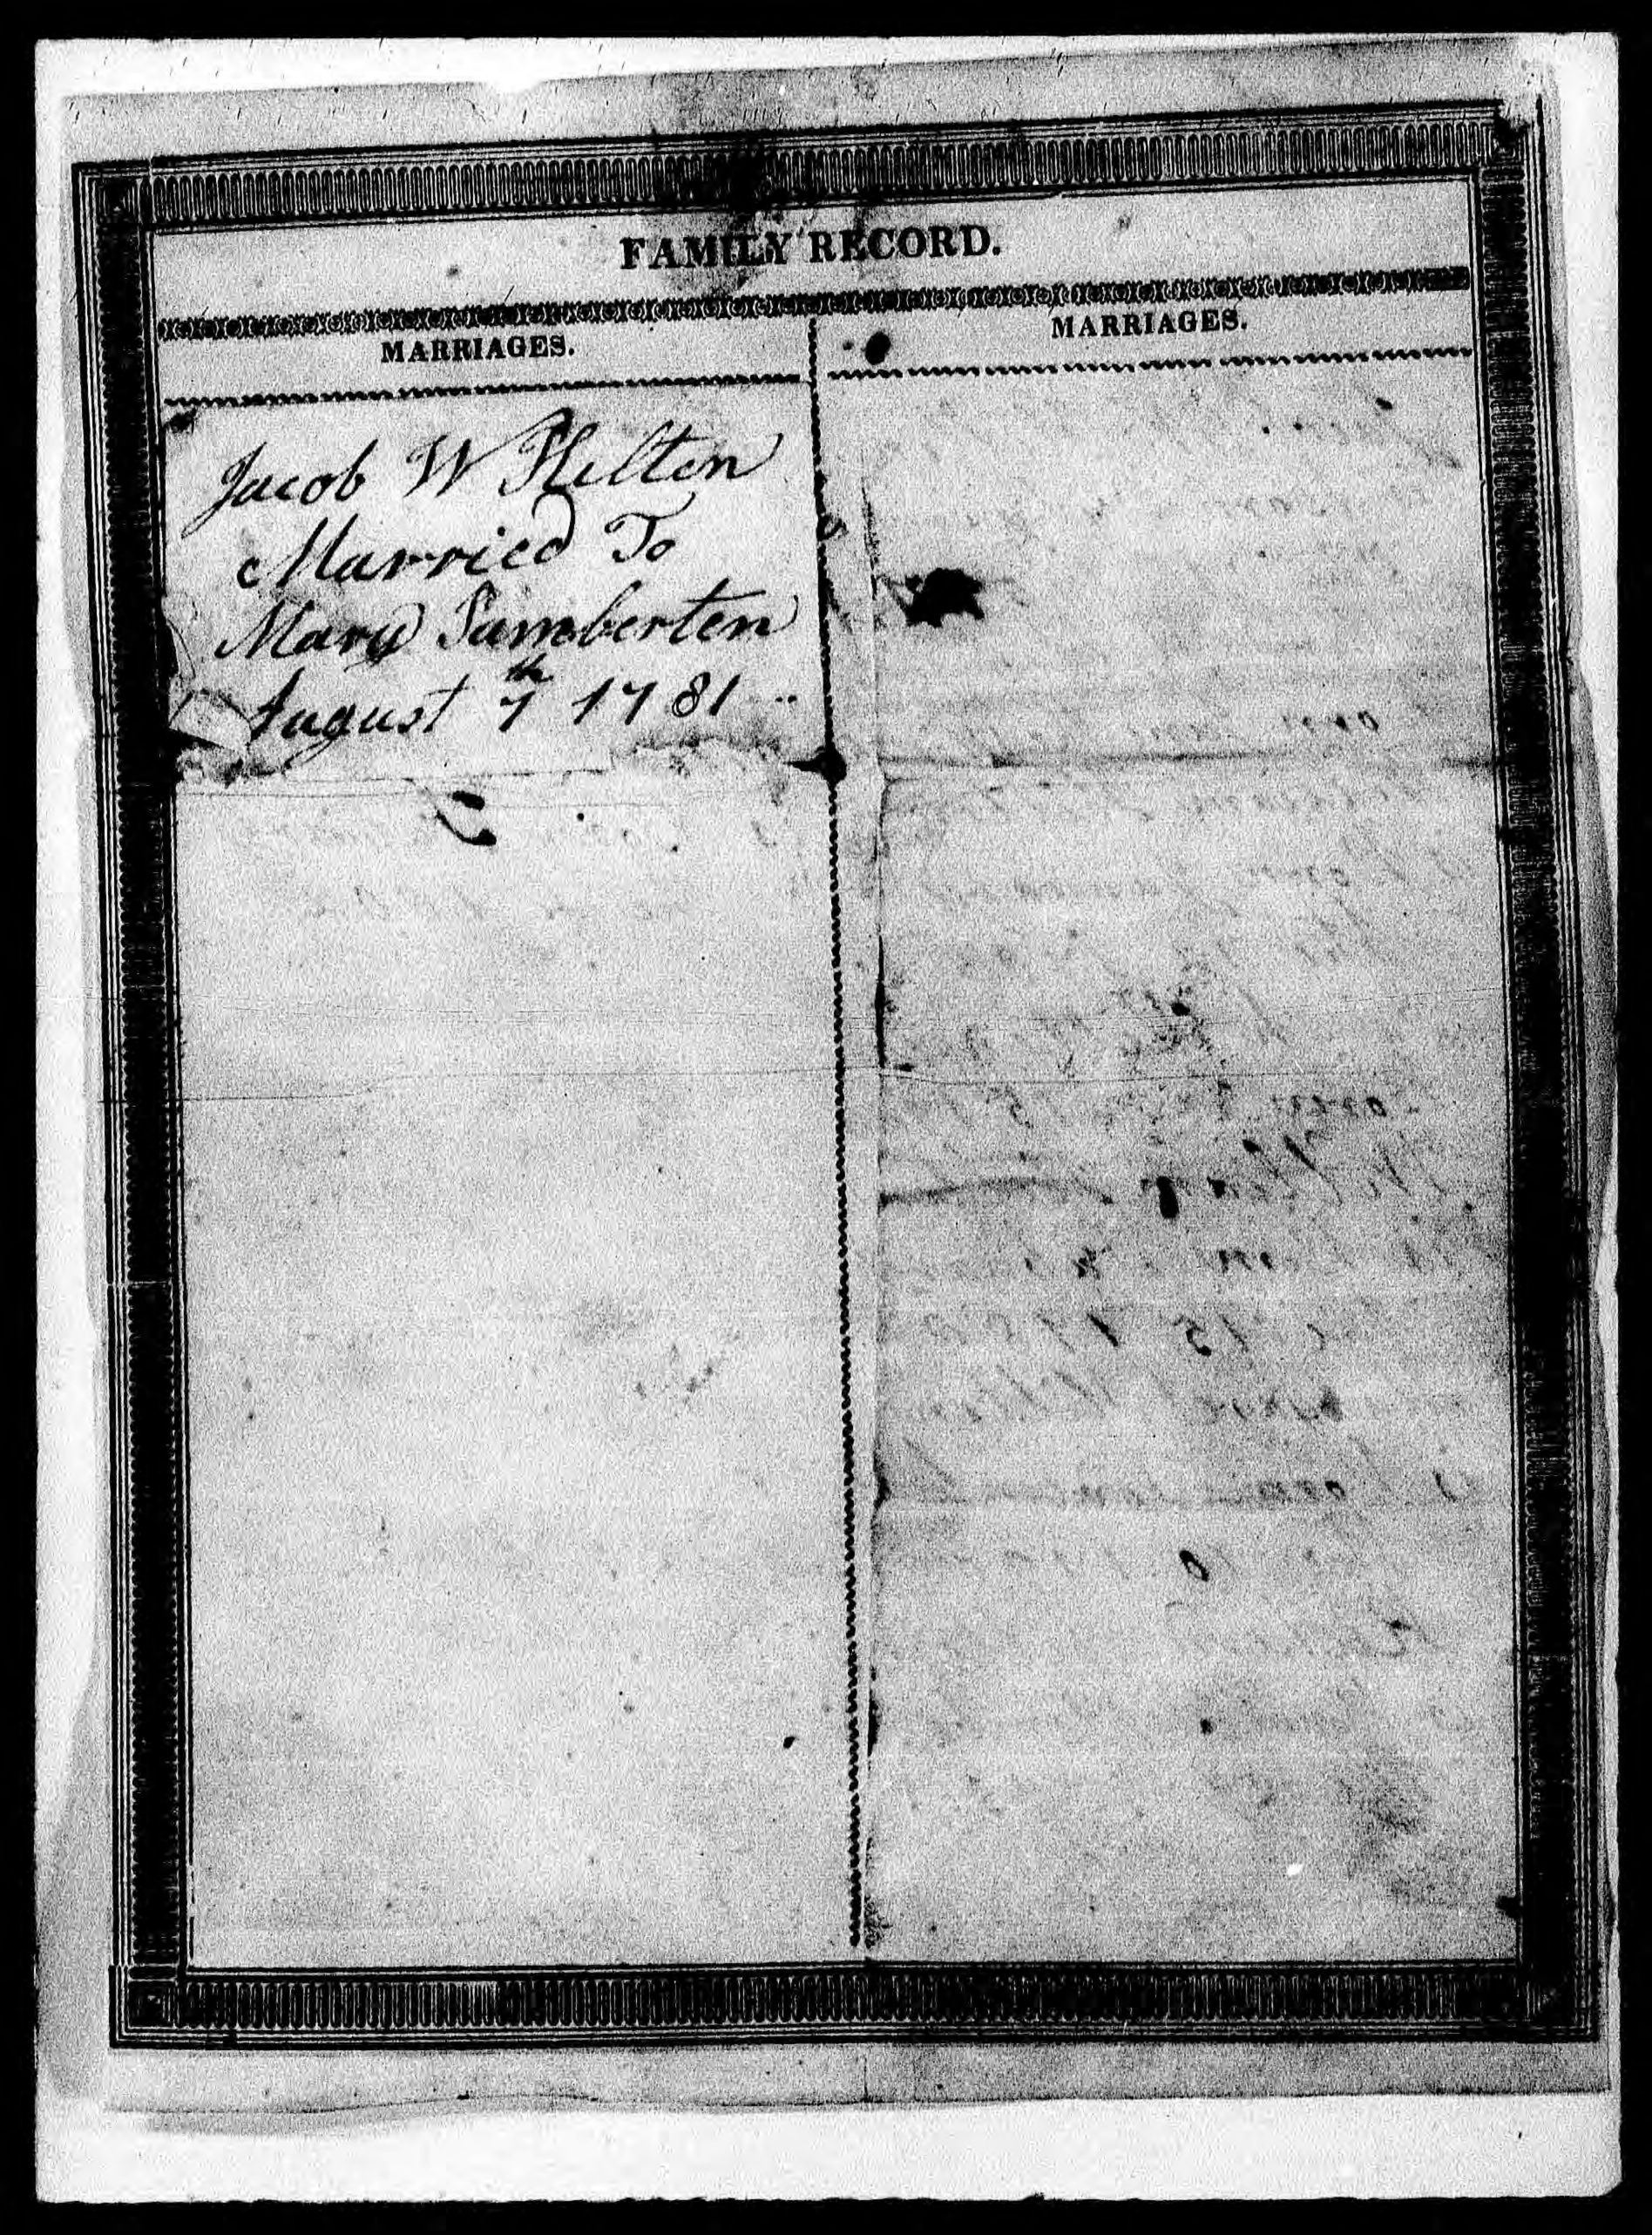Family Record
Marriages
Jacob W Hilton
Married to 
Mary Pamberton
August 7th 1781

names: Mary Pamberton, Jacob W Hilton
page: 17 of 48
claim: widow's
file: W. 19788, Jacob W Hilton, New York